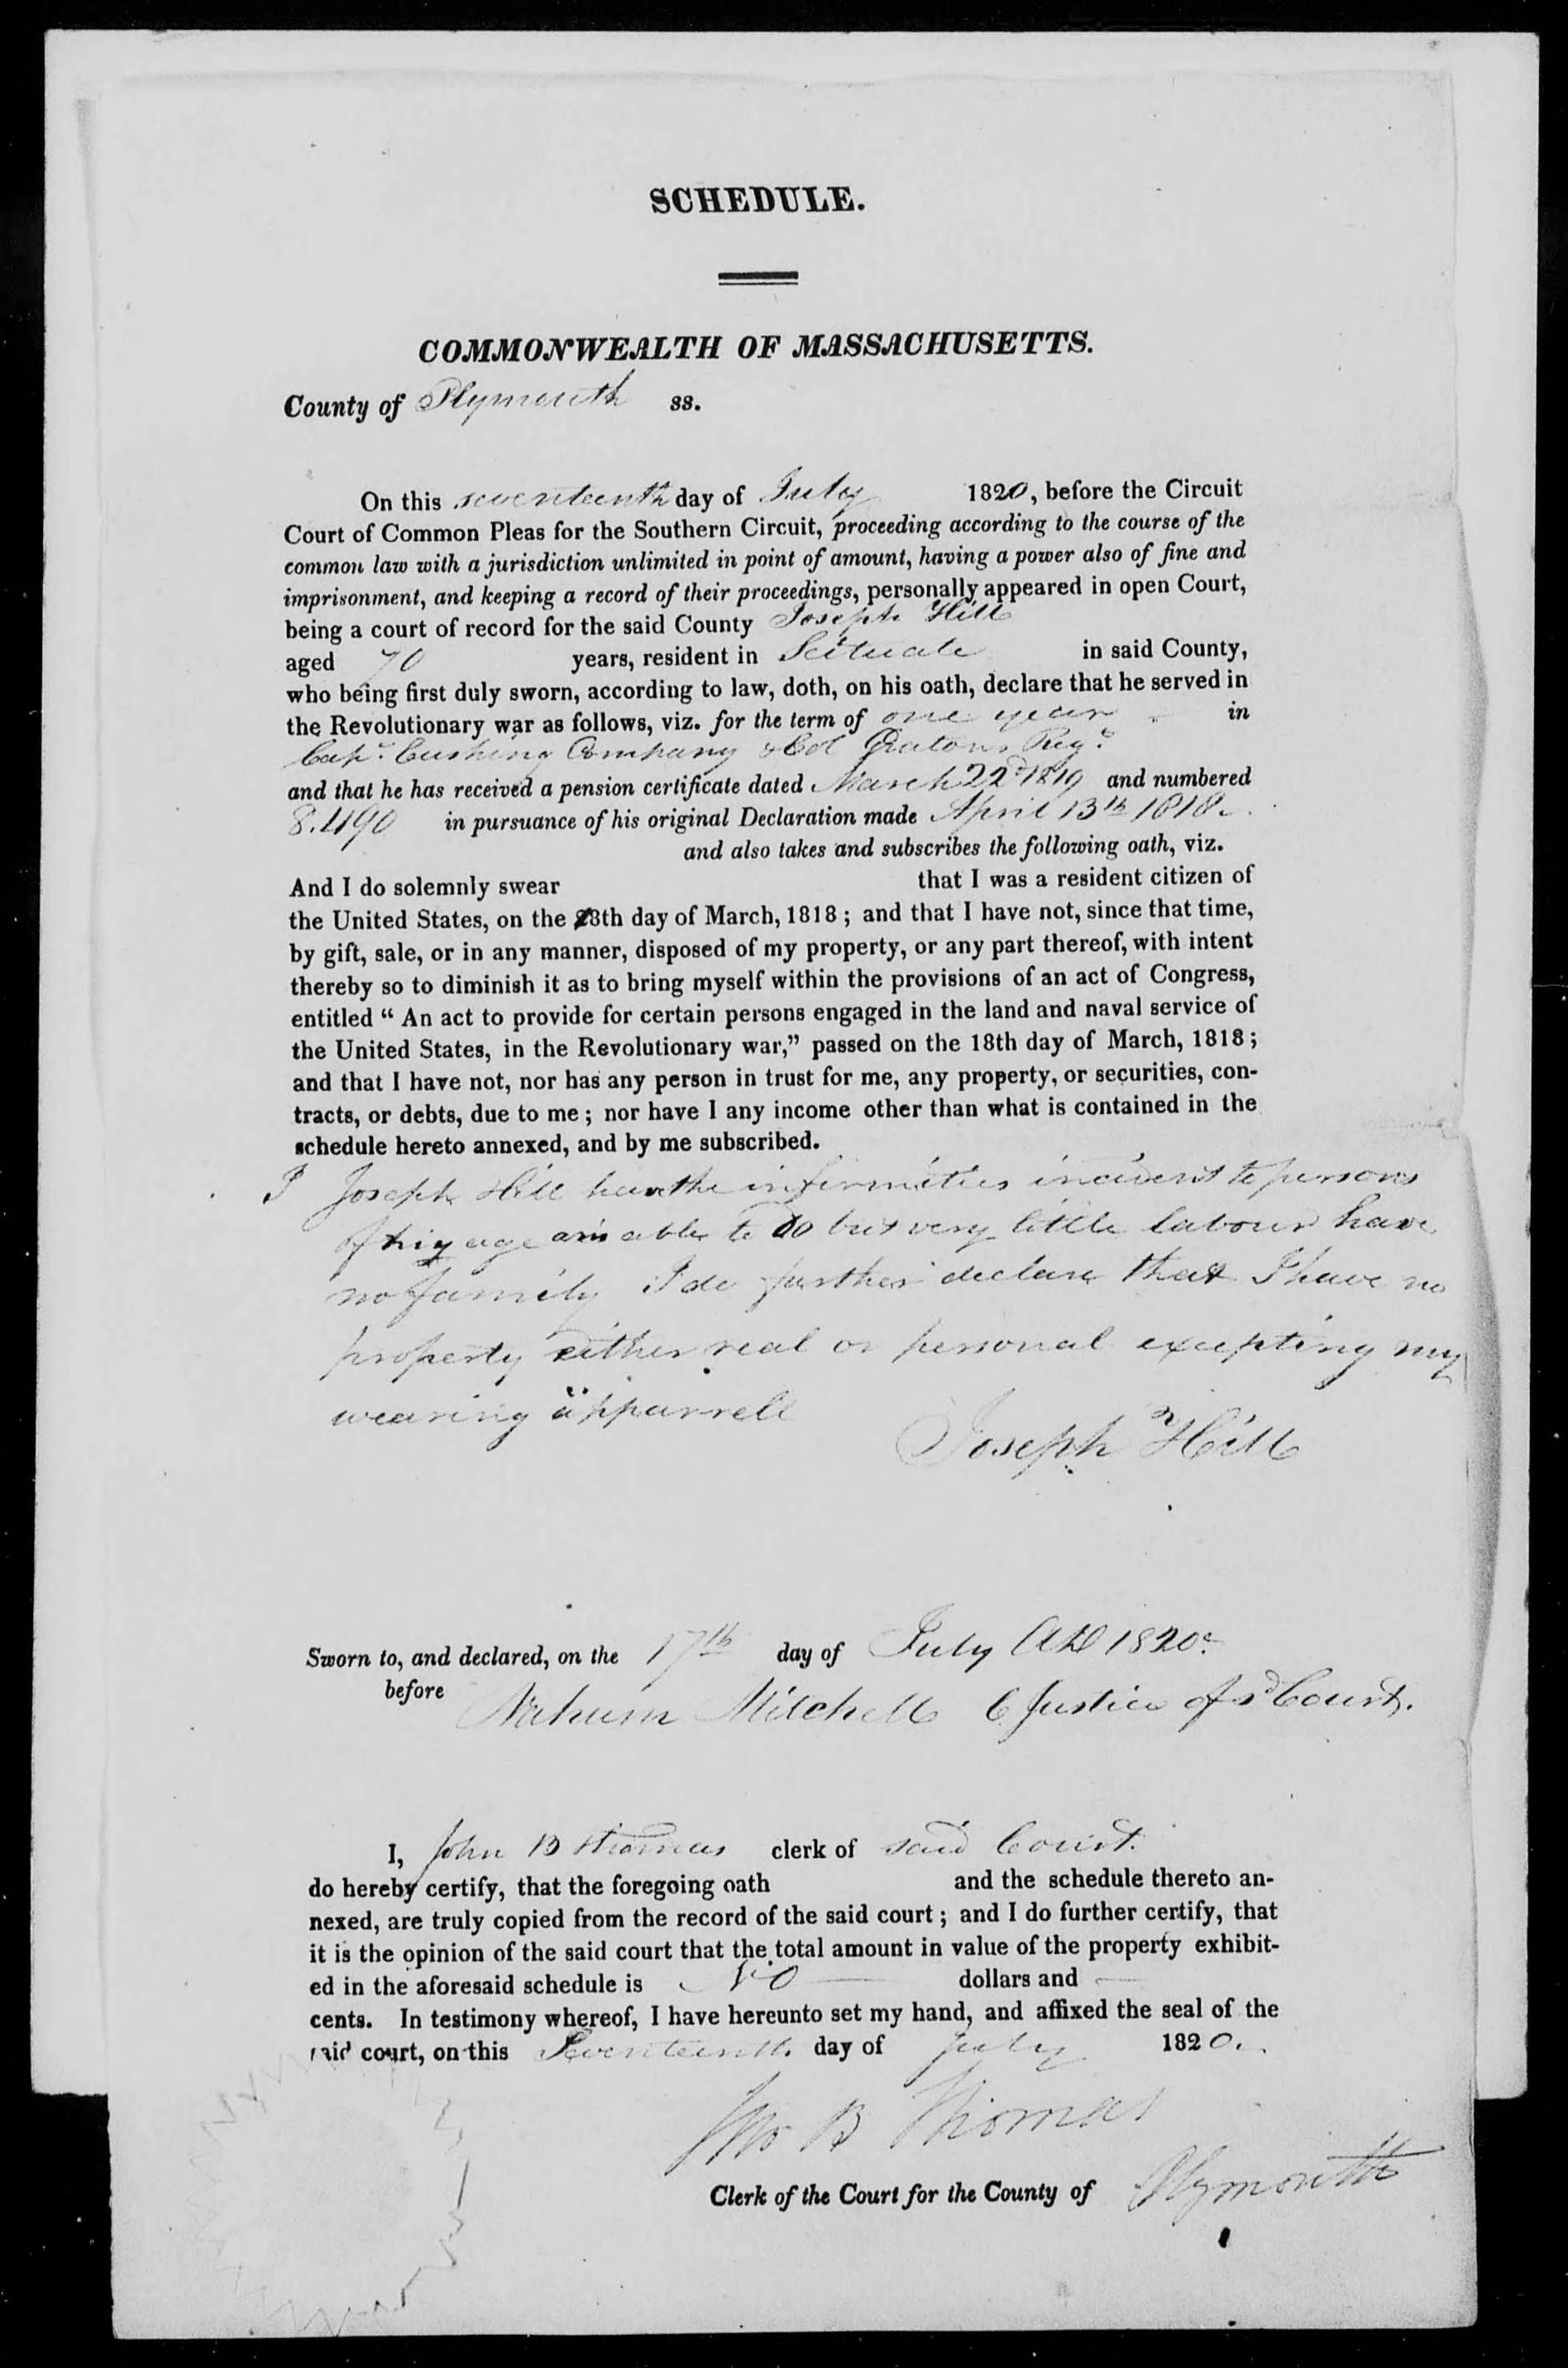COMMONWEALTH OF MASSACHUSETTS
COUNTY OF Plymouth ss

On this seventeenth day of July 1820 before the Circuit Court of Common Please for the Souther Circuit, proceeding according to the course of the common law with a jurisdiction unlimited in point of amount, having a power also of fine, imprisonment and keeping a record of their proceedings, personally appeared in open Court, being a court of record for the said County Joseph Hill aged 70 years, resident in Scituate in said County who being first duly sworn according to law doth on his oath declare that he served in the Revolutionary was as follows, viz. And I do solemnly swear that I was a resident citizen of the United States on the 8th day of March 1818; and that I have not since that time, by gift sale or in any manner, disposed of my property or any part thereof, with intent thereby so to diminish it is as to bring myself within the provisions of an act of Congress, entitled " An act to provide for certain persons engaged in the land and naval service of the United States, in the Revolutionary war." passed on the 18th day of March 1818; and that I have not nor has any person in trust for me, any property or securities contracts, or debts, due to me ; nor have I any income other than what is contained in the schedule hereto annexed and by me subscribed.

I Joseph Hill have the infirmities inability in  persons of my age am able to do but very little labour have no family I do further declare that I have no property either real or personal excepting my wearing apparel.

Joseph Hill 


Sworn to and declared on the 17th day of July A.D. 1820 before Nahum Mitchell Justice of Court 

I John B. Thomas clerk of said Court do hereby certify that the foregoing oath and the schedule thereto annexed are truly copied from the record of the said court; and I do further certify that it is the opinion of the said court that the total amount in value of the property exhibited in the aforesaid schedule is No dollars and -- cents. In testimony whereof, I have hereunto set my hand and affixed the seal of the said court on this Seventeenth day of July 1820

Jno B. Thomas
Clerk pf the Court for the County of Plymouth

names: Joseph Hill, Nahum Mitchell, John B Thomas, Joseph Hill, Jno B Thomas, Joseph Hill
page: 6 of 14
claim: survivor's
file: S. 3,3303, Joseph Hill, Continental (Mass.)